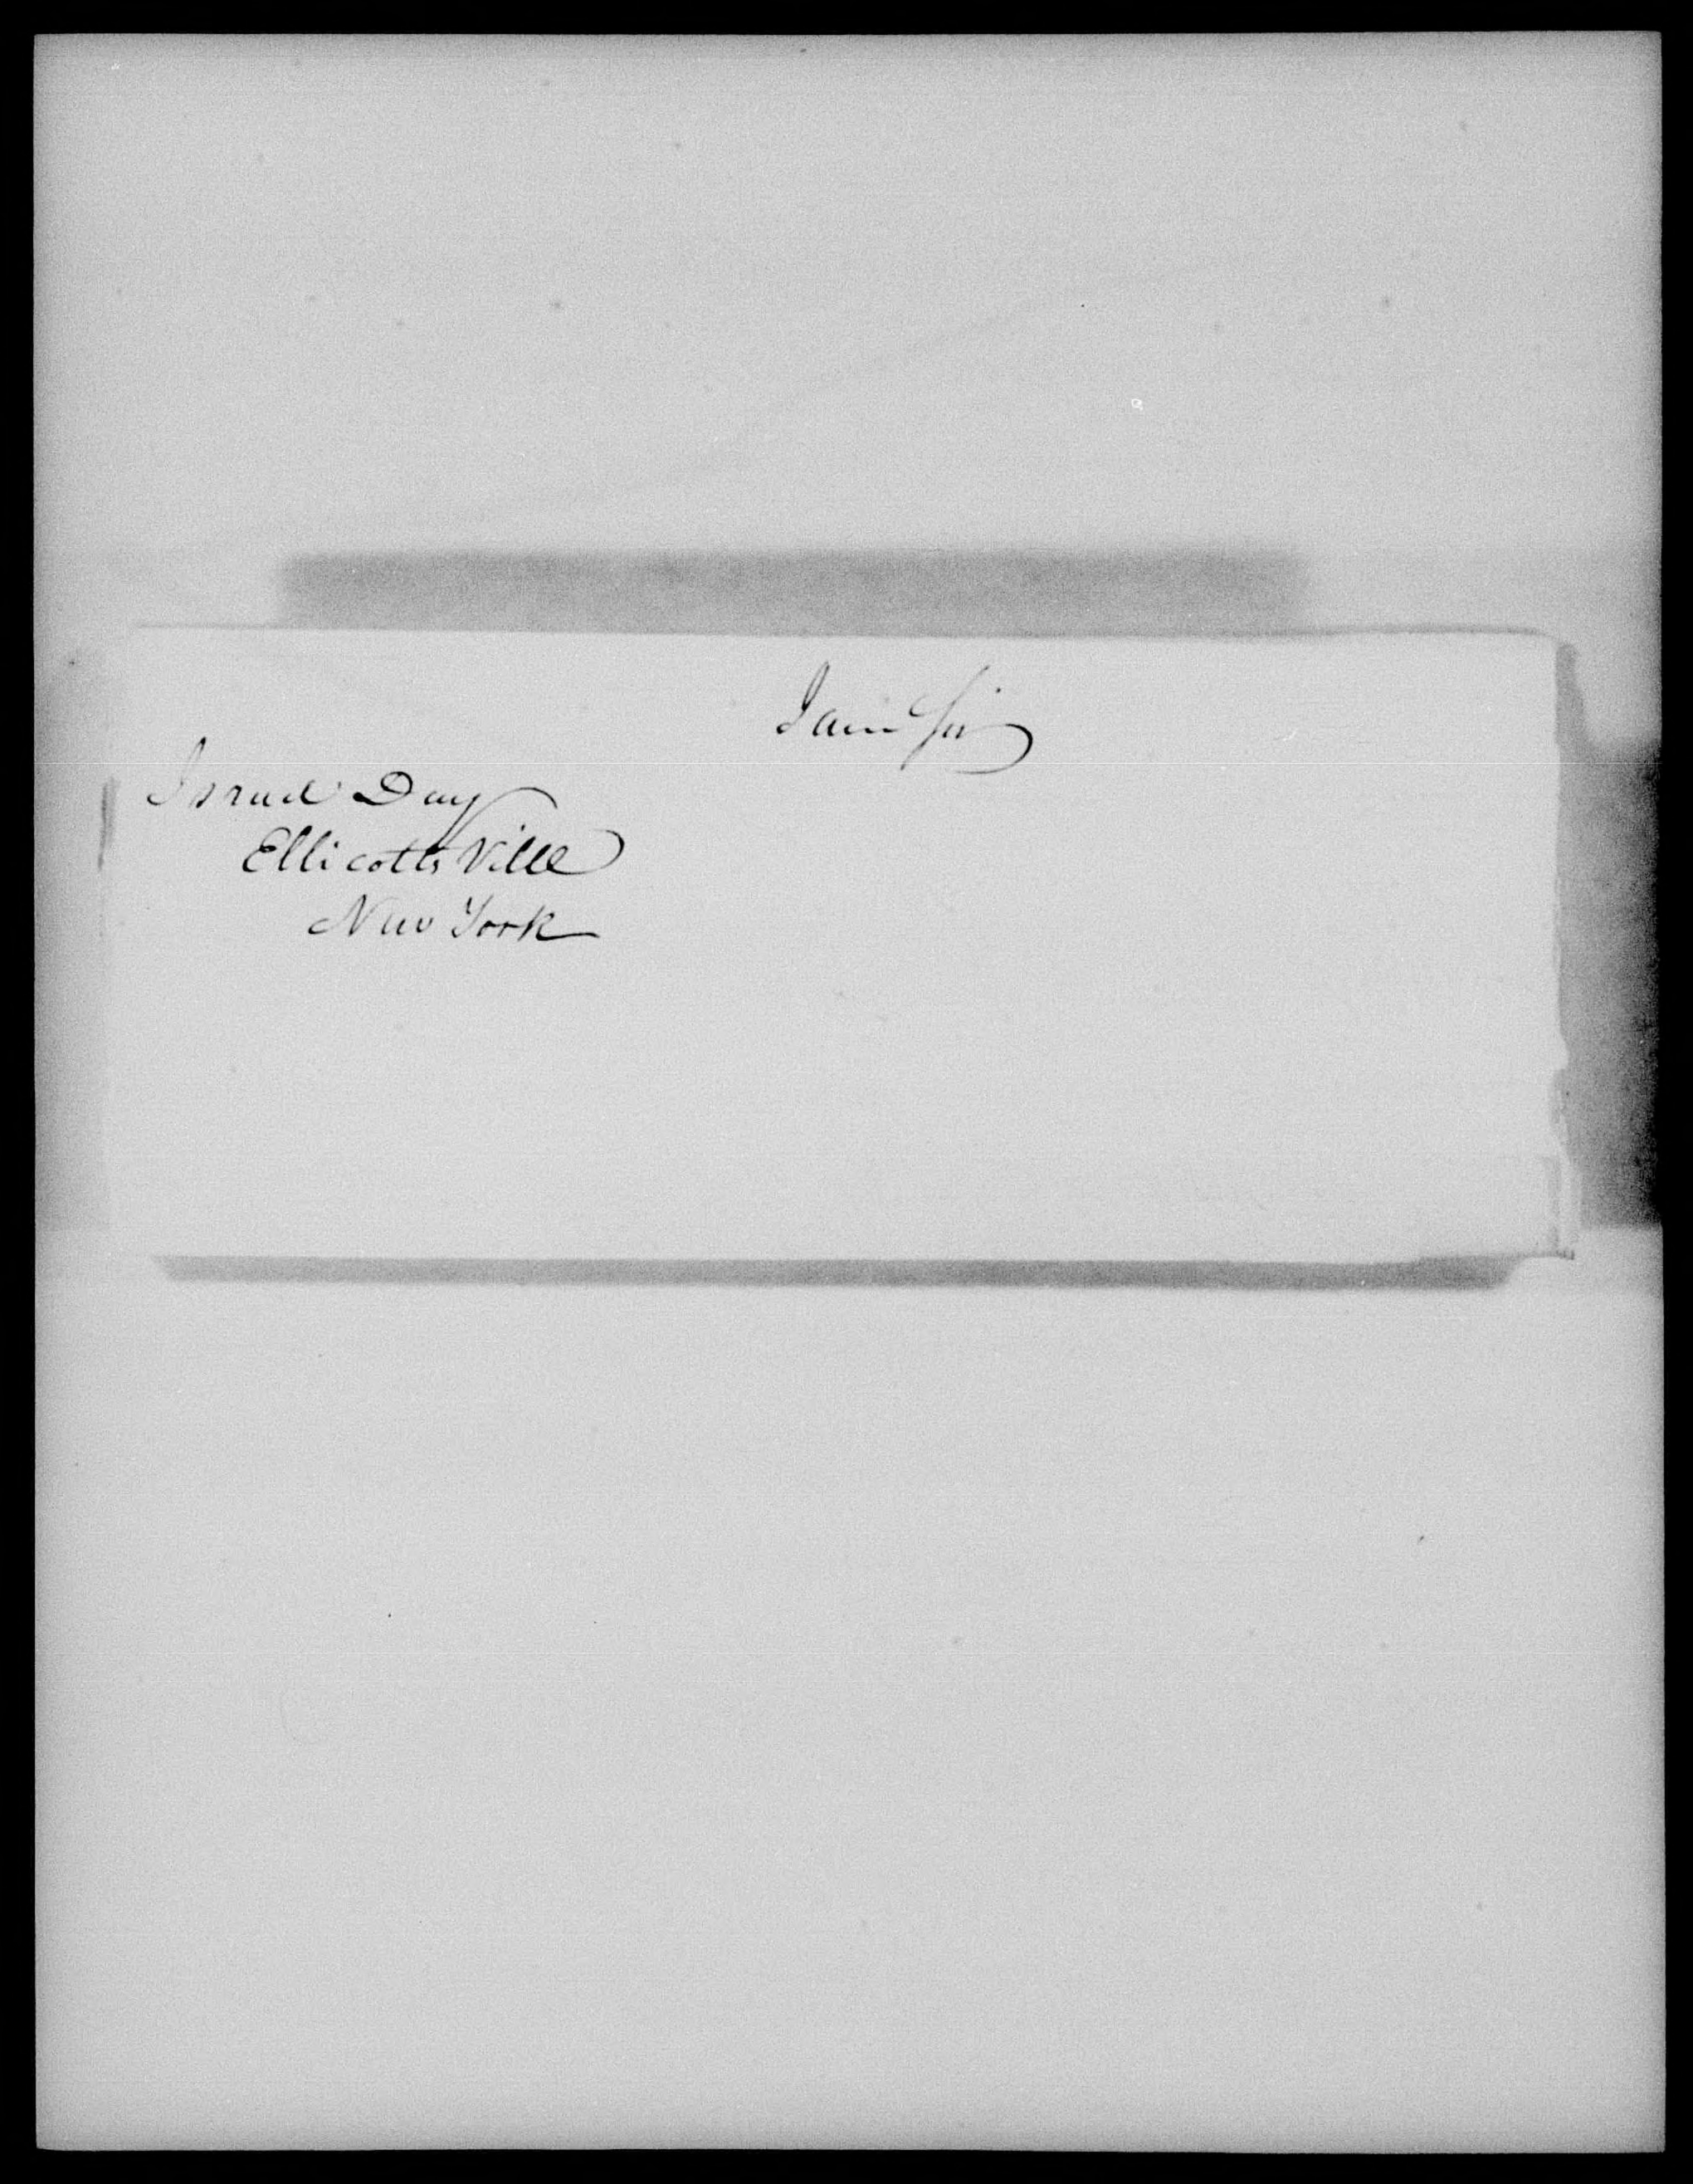I am Ju
Israel Day
Ellicottville
New York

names: Israel Day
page: 15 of 19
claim: rejected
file: R 7390, for Timothy Morgan, Connecticut